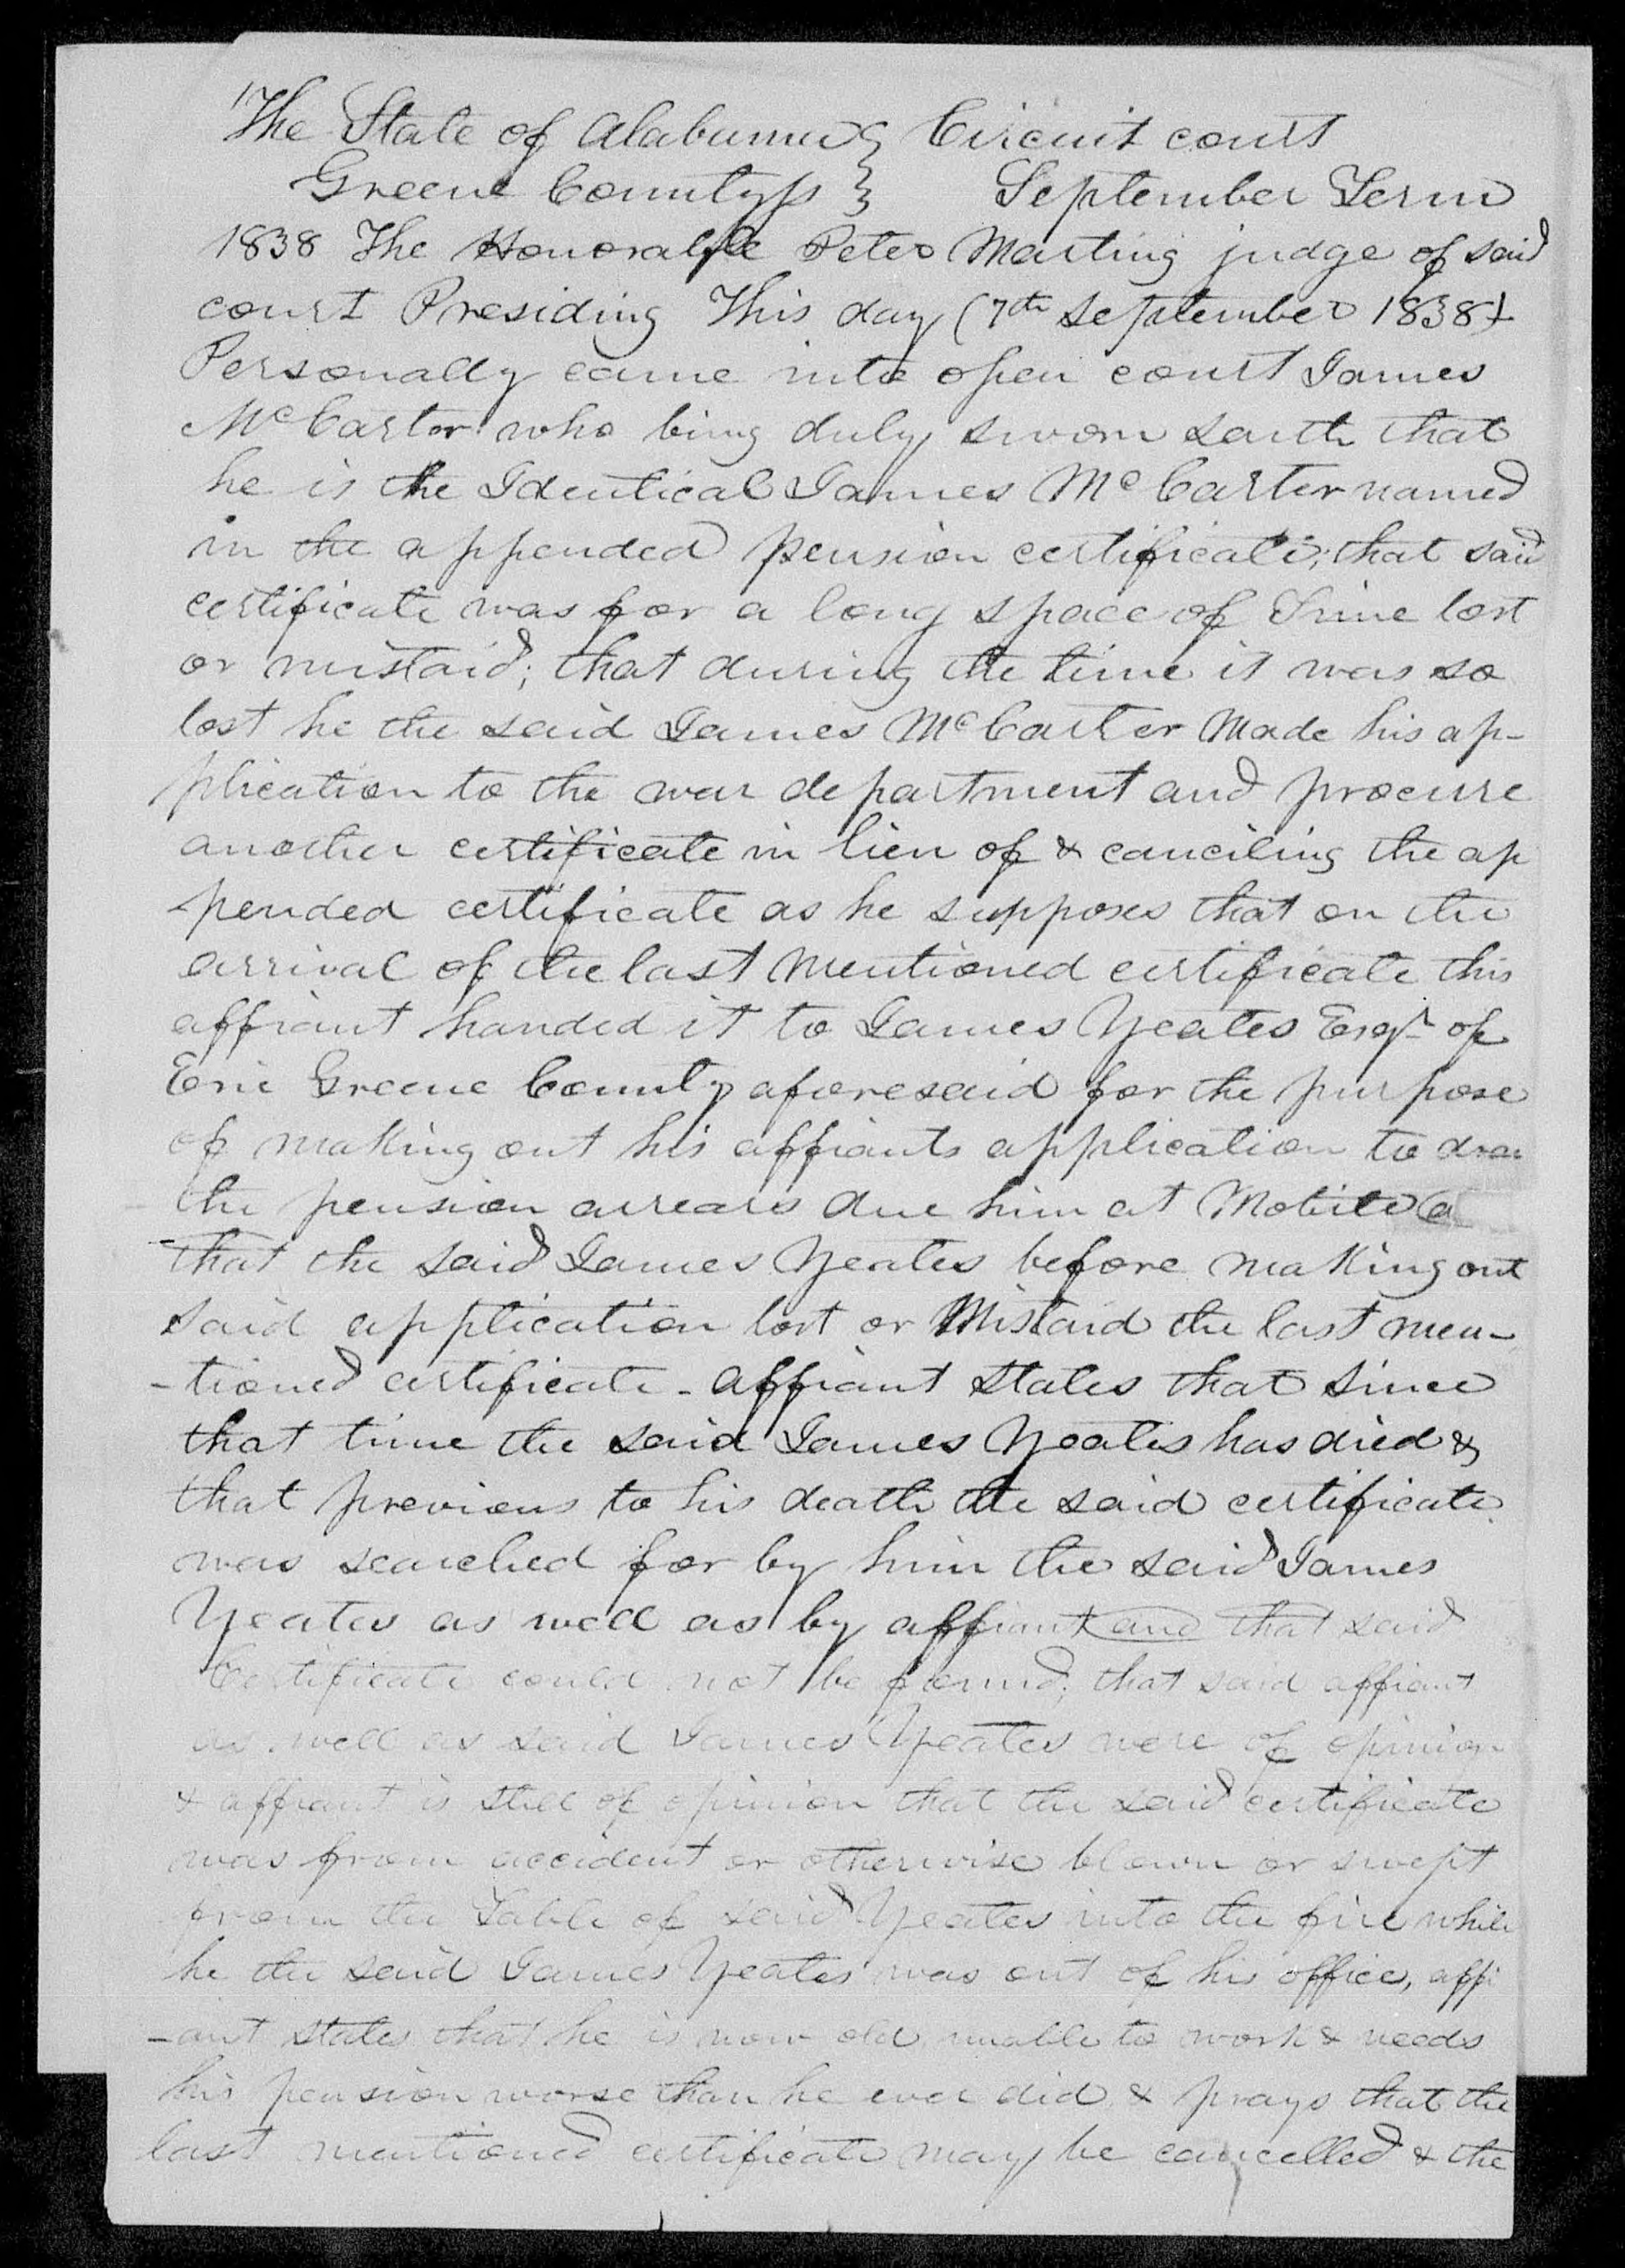The State of Alabama} Circuit Court
Greene County} September Term

1838 The Honorable Peter Marting Judge of said Court Presiding this day (7th September 1838).

Personally came into open court James
McCarter who being duly sworn saith that
he is the identical James McCarter named
in the appended pension certificate, that said
certificate was for a long space of time lost
or mislaid, that during the time it was so
lost he the said James McCarter made his application to the war department and procure another certificate in lien of & canceling the appended certificate as he supposes that on the arrival of the last mentioned certificate this affiant handed it to James Yeates Esqr of Erie Greene County aforesaid for the purpose of making out his affiants application to draw the pension arrears due him at Mobile that the said James Yeates before making out said application lost or mislaid the last mentioned certificate affiant states that since that time the said James Yates has died & that previous to his death the said certificate was searched for by him the said James Yates as well as by affiant and that said
Certificate could not be found that said affiant
as well as said James Yeates were of opinion
& affiant is still of opinion that the said certificate was from accident or otherwise blown or swept from the Table of said Yeates into the fire while he the said James Yeates was out of his office, affiant states that he is now old unable to work & needs his pension worse than he ever did & prays that the last mentioned certificate may be cancelled & the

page: 37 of 45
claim: survivor's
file: S. 13,890, for James Mc Carter, South Carolina